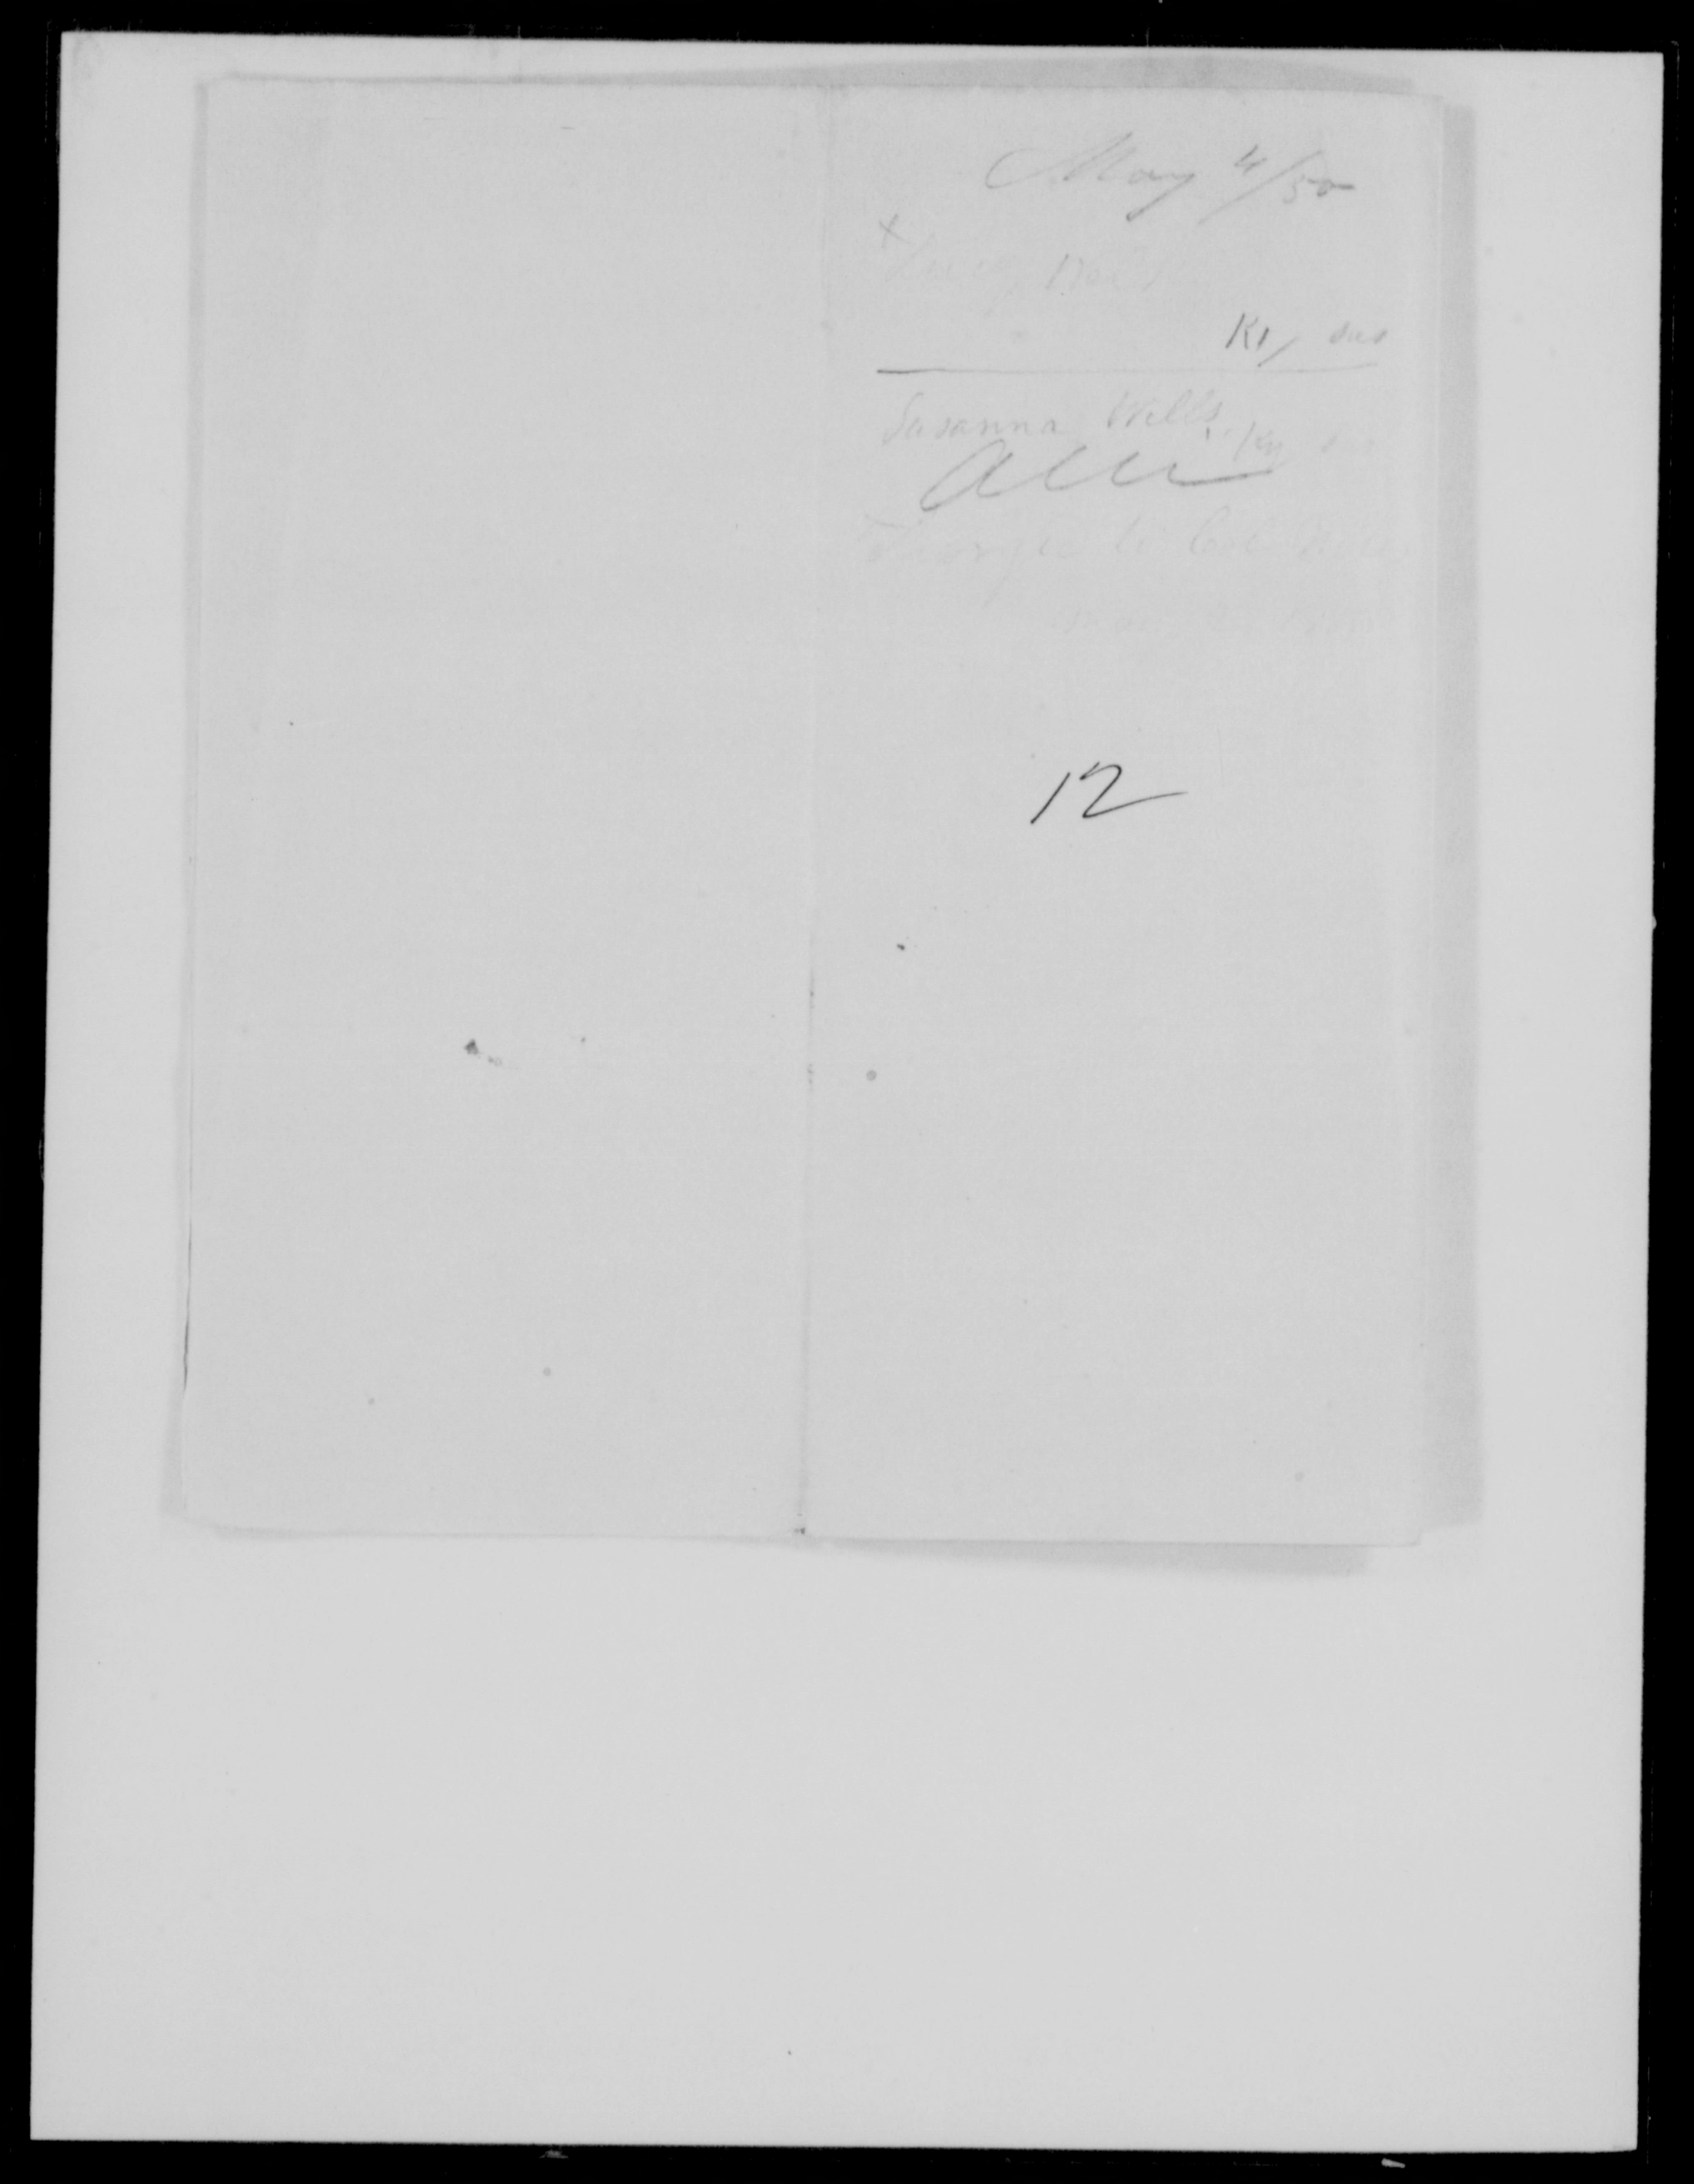May 4/50
[very faint - Sus Wells?]
Ky

Susanna Wells, Ky

[remainder is illegible]



12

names: Susanna Wells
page: 68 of 100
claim: widow's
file: W. 6437, Richard Wells, Ga Va.